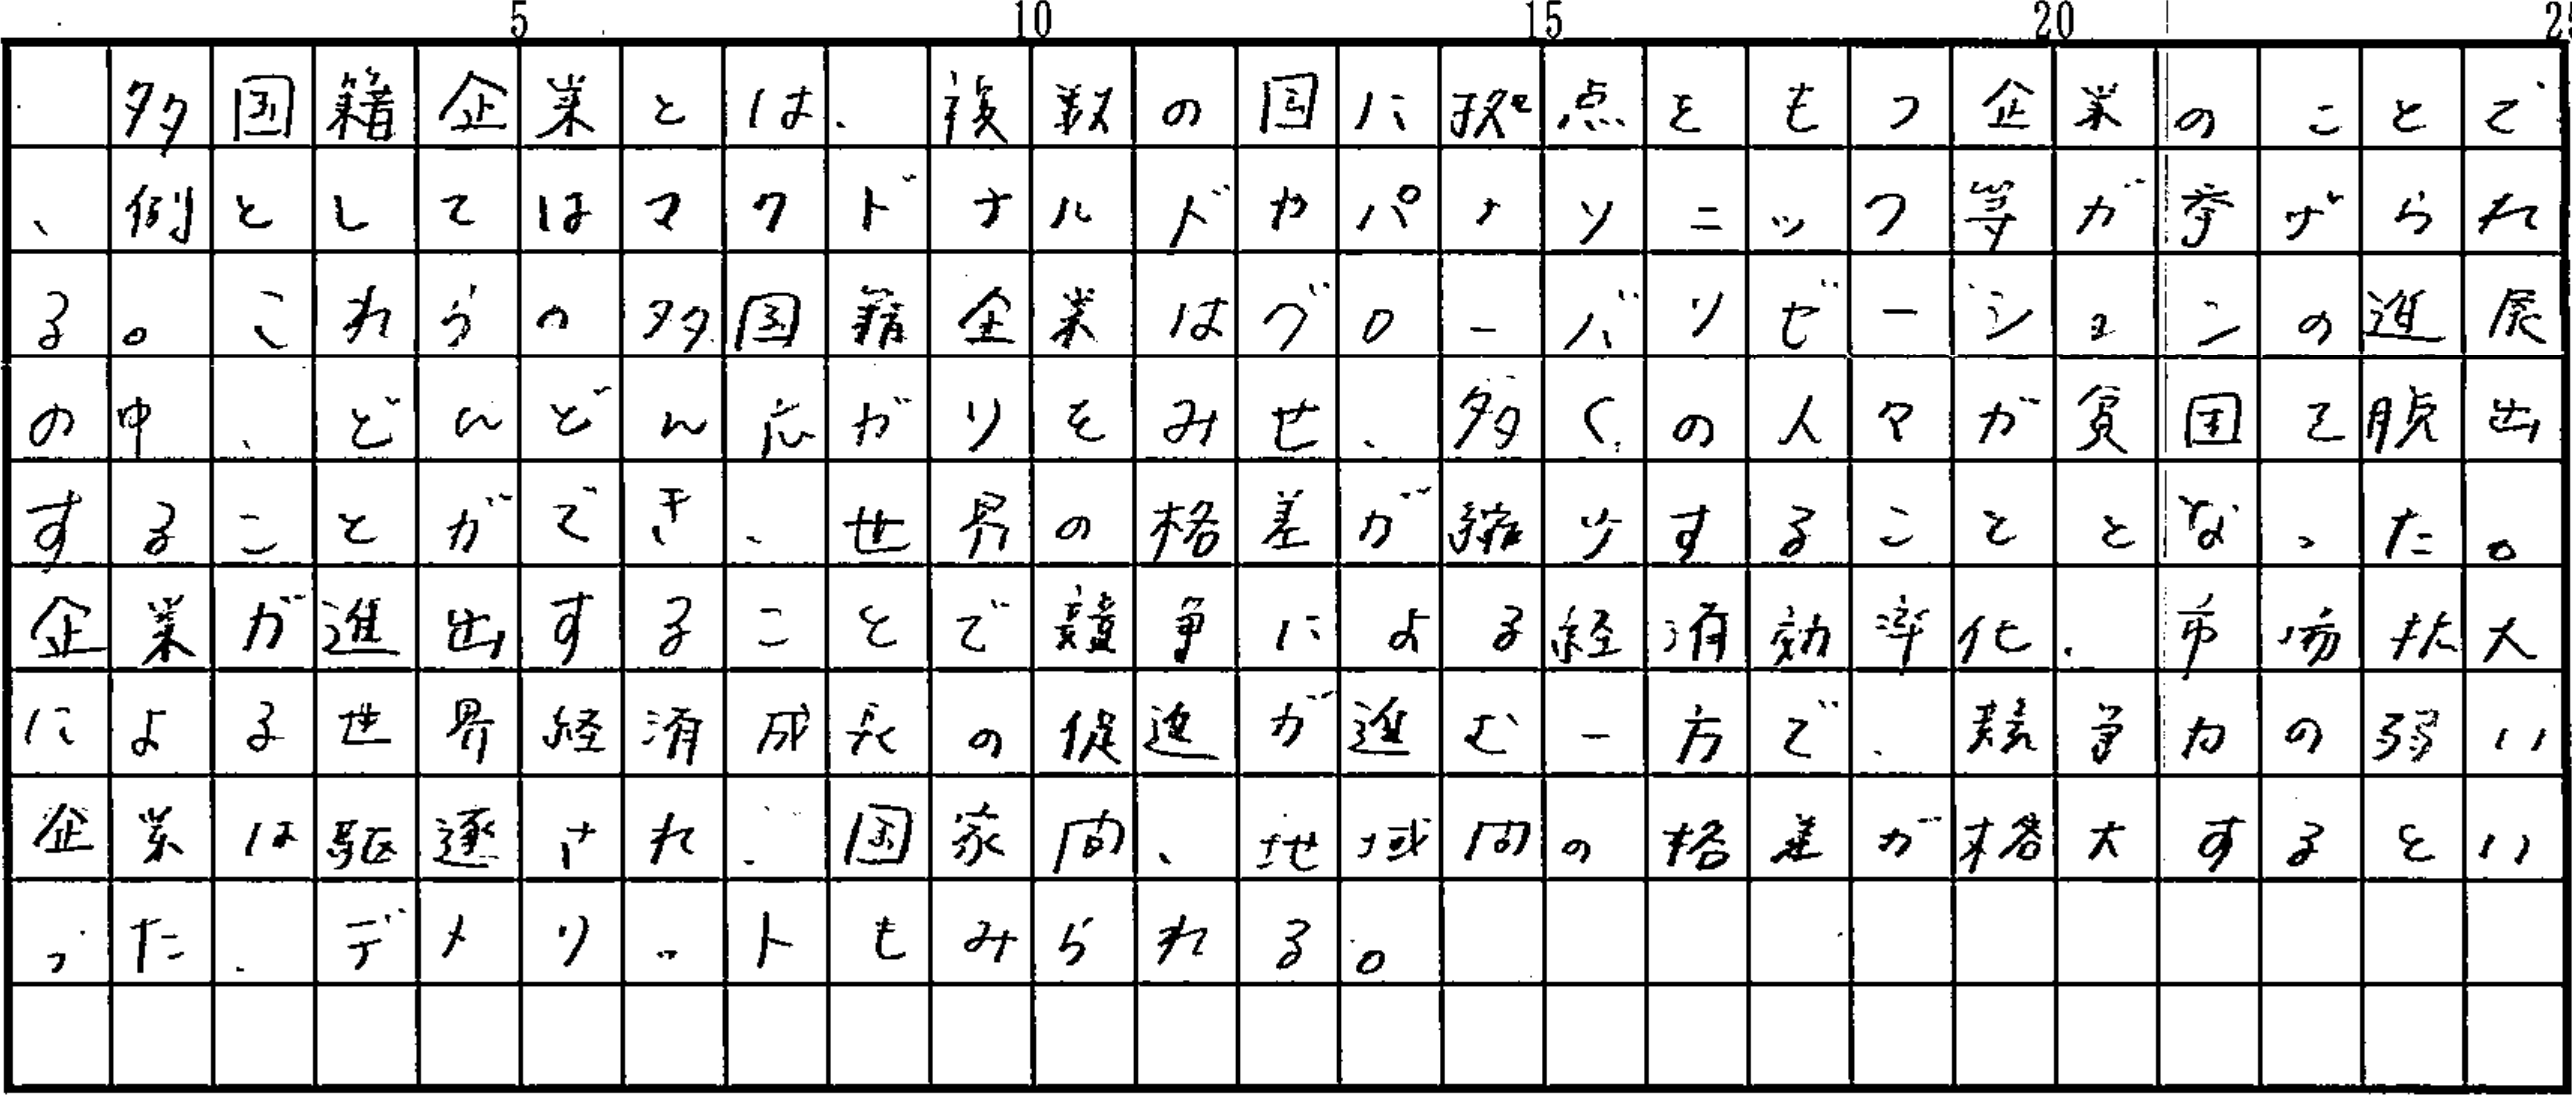　多国籍企業とは、複数の国に拠点をもつ企業のことで、例としてはマクドナルドやパナソニック等が挙げられる。これらの多国籍企業はグローバリゼーションの進展の中、どんどん広がりをみせ、多くの人々が貧困を脱出することができ、世界の格差が縮少することとなった。企業が進出することで競争による経済効率化、市場拡大による世界経済成長の促進が進む一方で、競争力の弱い企業は駆逐され、国家間、地域間の格差が格大するといった、デメリットもみられる。
